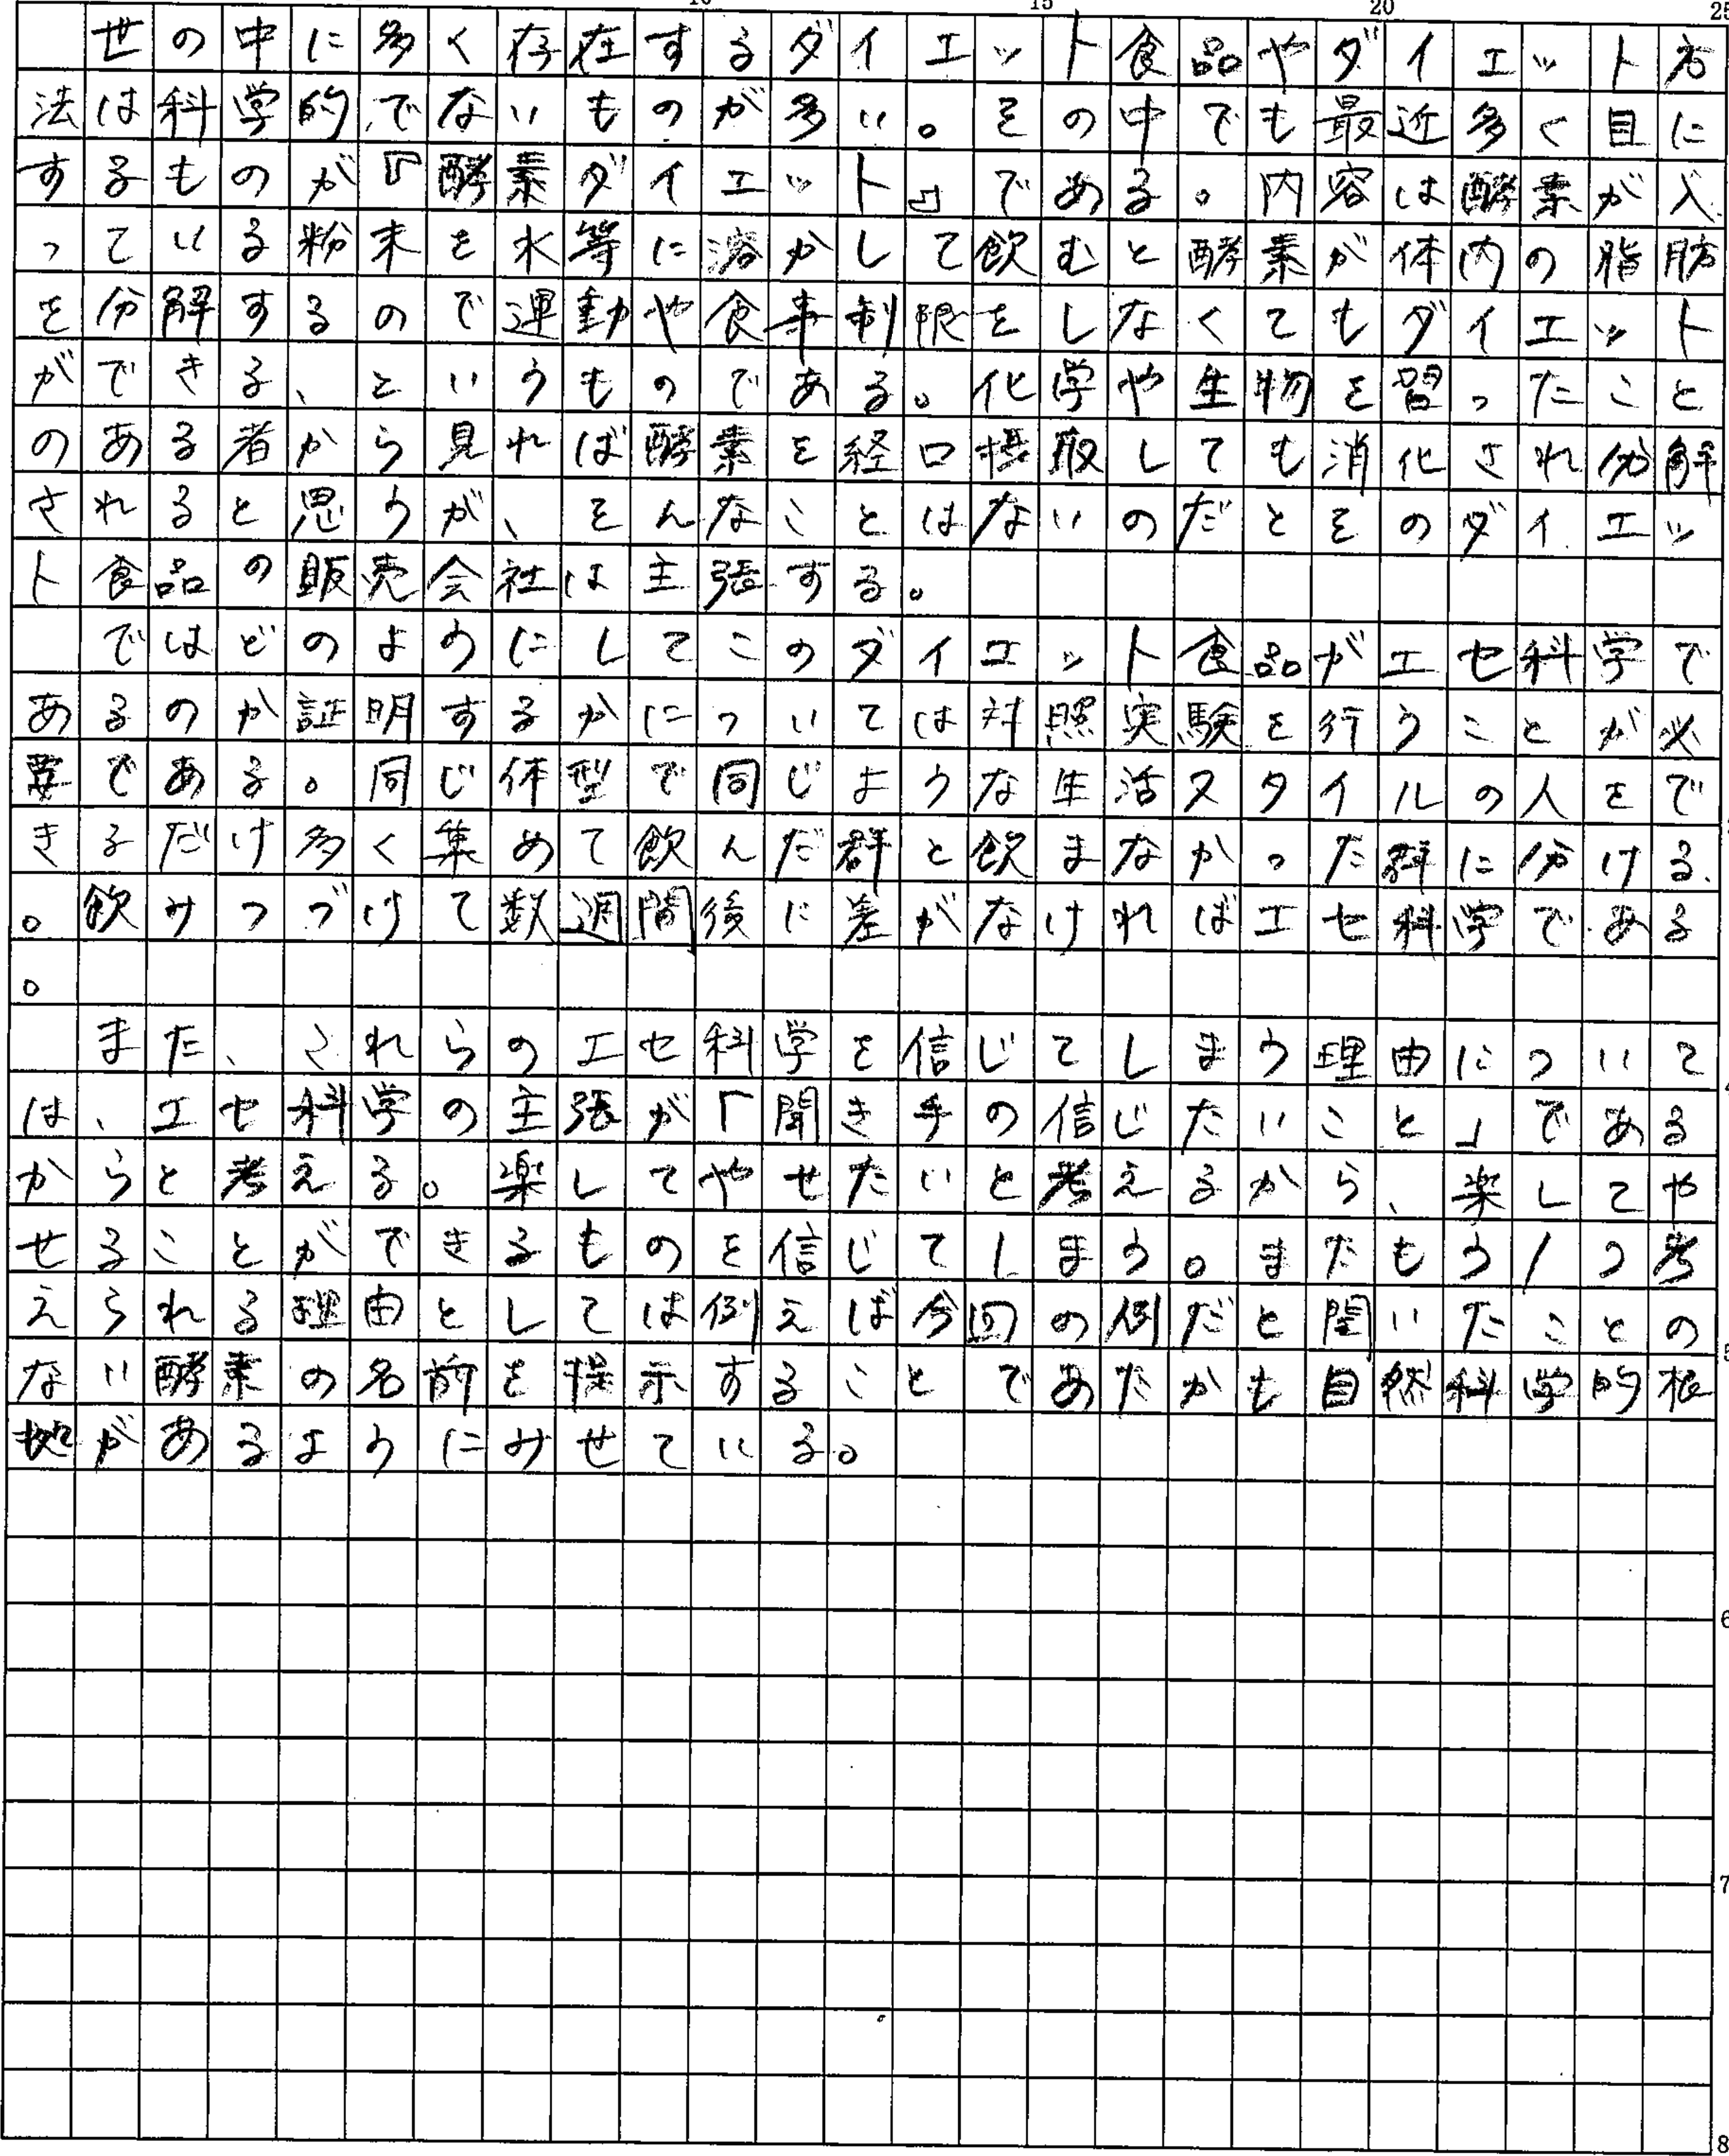　世の中に多く存在するダイエット食品やダイエット方法は科学的でないものが多い。その中でも最近多く目にするものが『酵素ダイエット』である。内容は酵素が入っている粉末を水等に溶かして飲むと酵素が体内の脂肪を分解するので運動や食事制限をしなくてもダイエットができる、というものである。化学や生物を習ったことのある者から見れば酵素を経口摂取しても消化され分解されると思うが、そんなことはないのだとそのダイエット食品の販売会社は主張する。
　ではどのようにしてこのダイエット食品がエセ科学であるのか証明するかについては対照実験を行うことが必要である。同じ体型で同じような生活スタイルの人をできるだけ多く集めて飲んだ群と飲まなかった群に分ける。飲みつづけて数週間後に差がなければエセ科学である。
　また、これらのエセ科学を信じてしまう理由については、エセ科学の主張が「聞き手の信じたいこと」であるからと考える。楽してやせたいと考えるから、楽してやせることができるものを信じてしまう。またもう１つ考えられる理由としては例えば今回の例だと聞いたことのない酵素の名前を提示することであたかも自然科学的根拠があるようにみせている。
